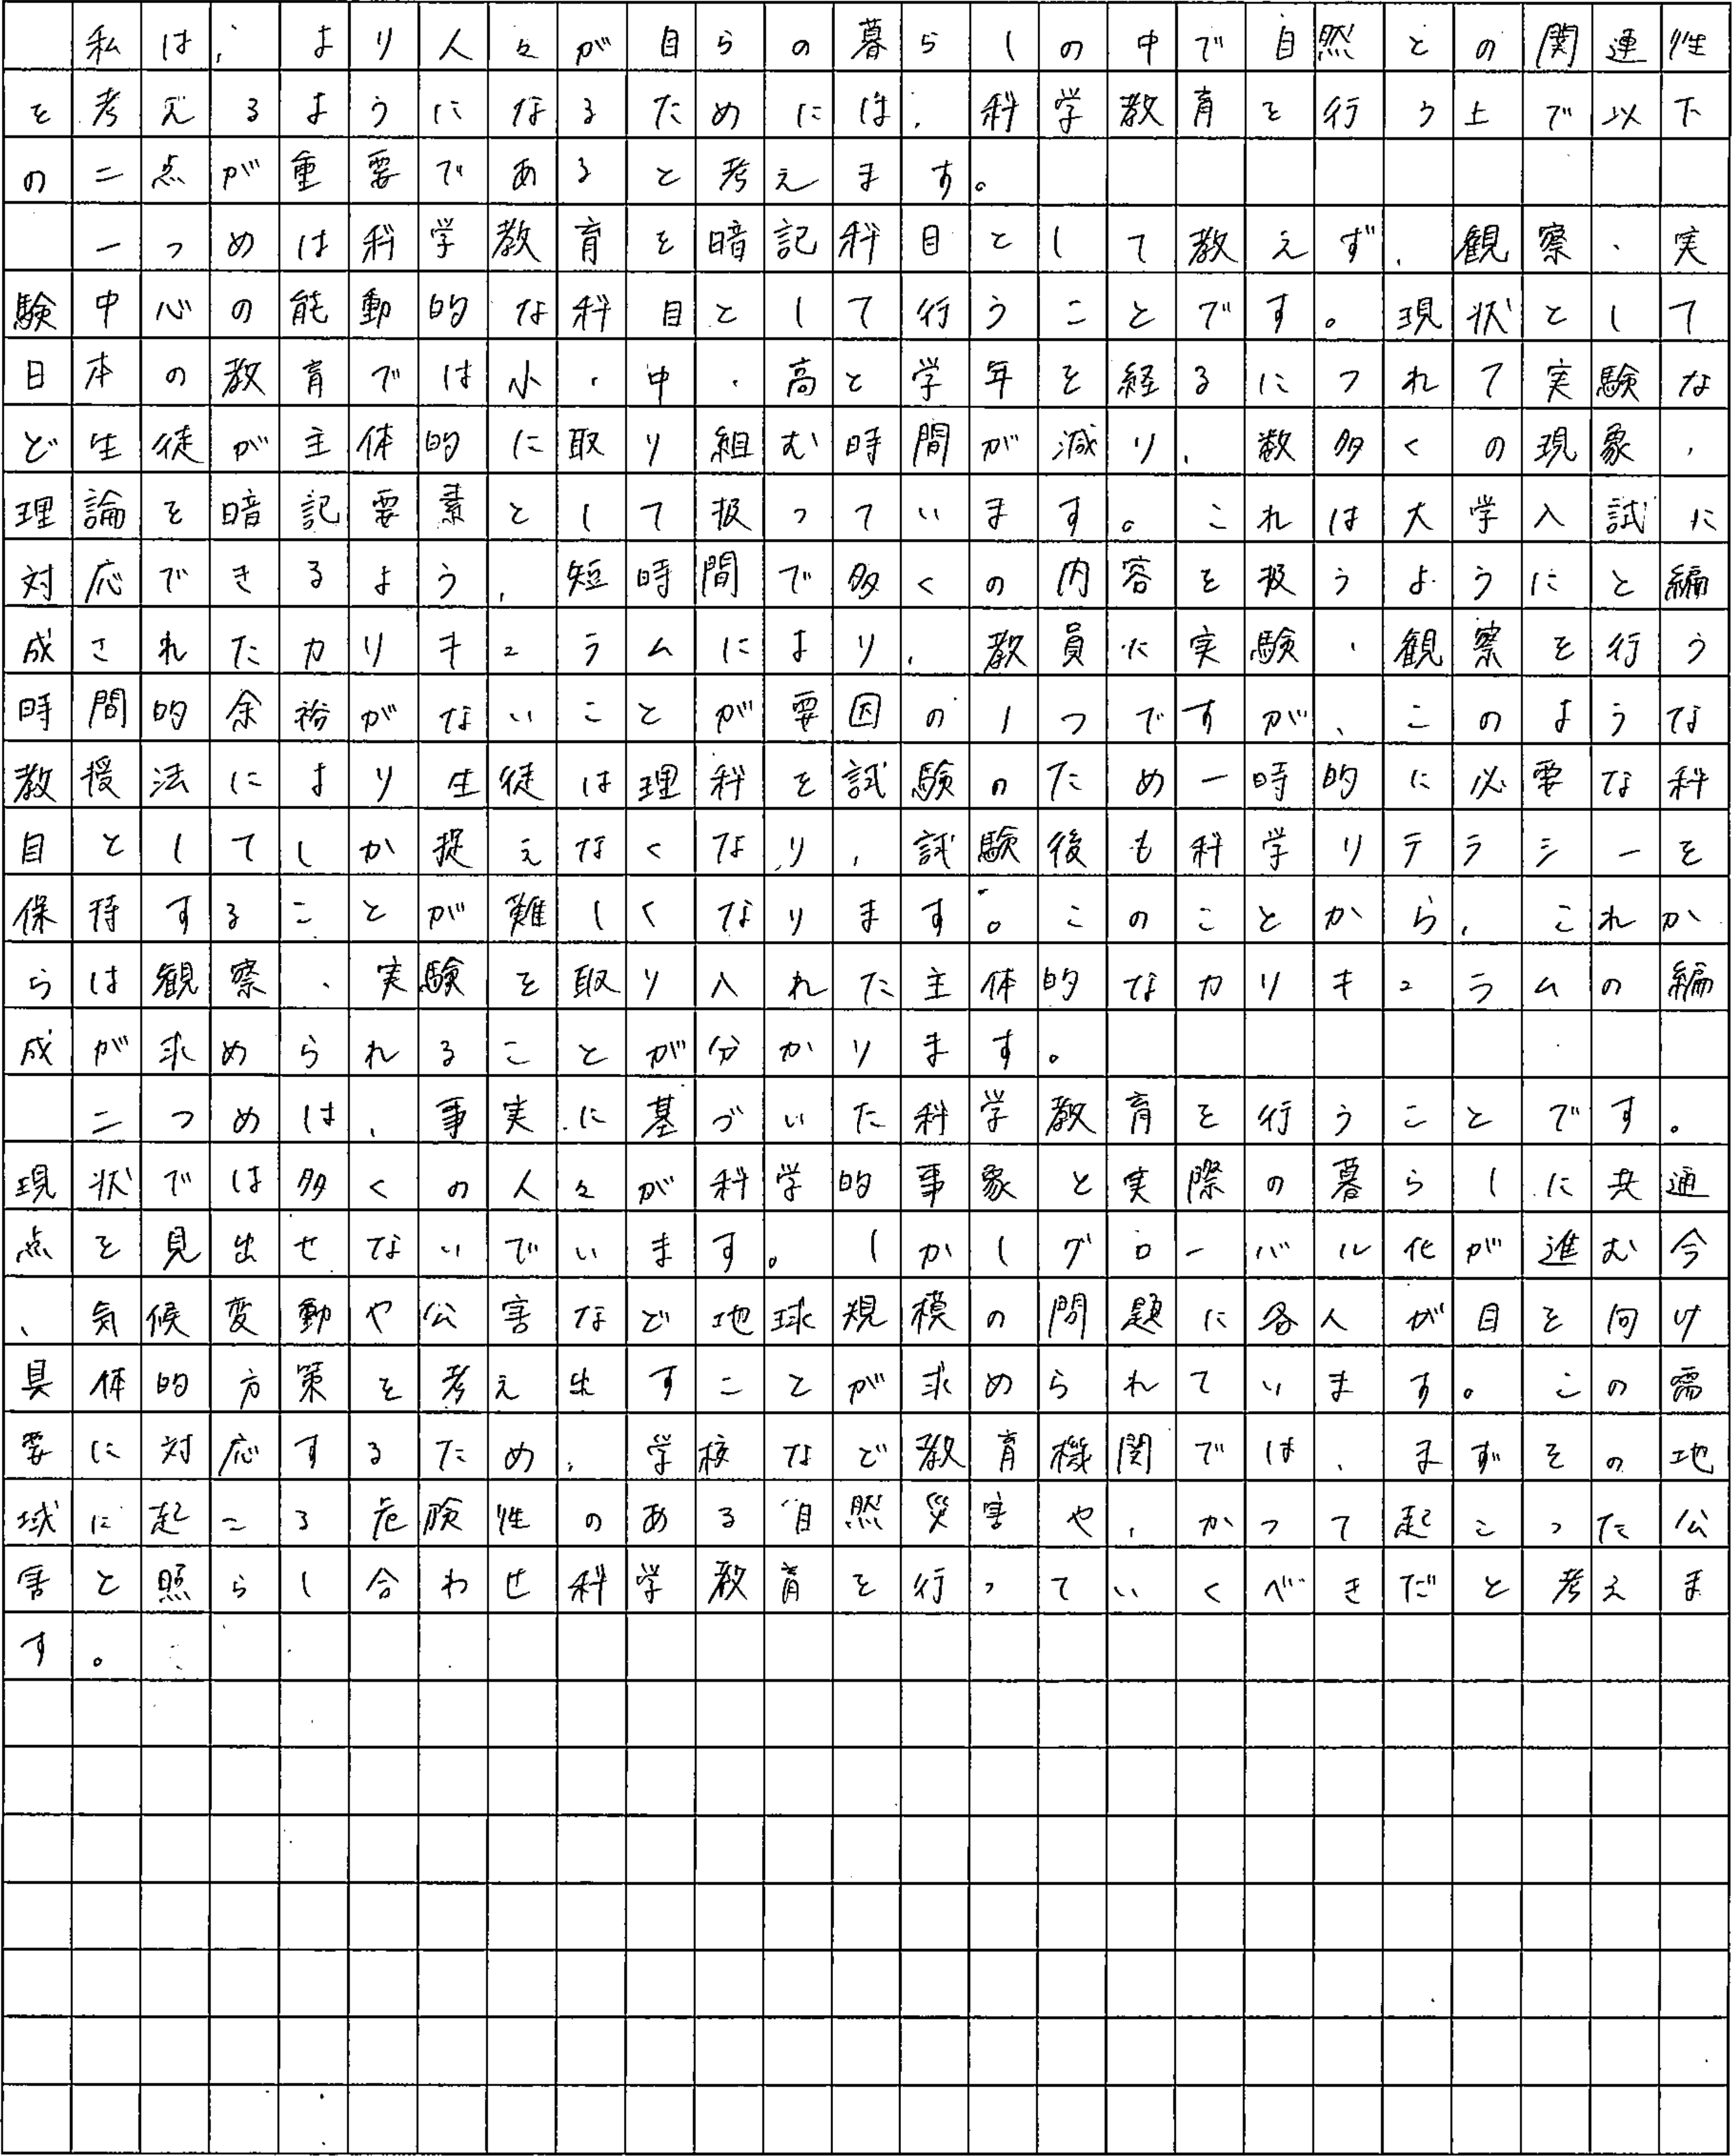　私は、より人々が自らの暮らしの中で自然との関連性を考えるようになるためには、科学教育を行う上で以下の二点が重要であると考えます。
　一つめは科学教育を暗記科目として教えず、観察・実験中心の能動的な科目として行うことです。現状として日本の教育では小・中・高と学年を経るにつれて実験など生徒が主体的に取り組む時間が減り、数多くの現象・理論を暗記要素として扱っています。これは大学入試に対応できるよう、短時間で多くの内容を扱うようにと編成されたカリキュラムにより、教員に実験・観察を行う時間的余裕がないことが要因の１つですが、このような教授法により生徒は理科を試験のため一時的に必要な科目としてしか捉えなくなり、試験後も科学リテラシーを保持することが難しくなります。このことから、これからは観察・実験を取り入れた主体的なカリキュラムの編成が求められることが分かります。
　二つめは、事実に基づいた科学教育を行うことです。現状では多くの人々が科学的事象と実際の暮らしに共通点を見出せないでいます。しかしグローバル化が進む今、気候変動や公害など地球規模の問題に各人が目を向け具体的方策を考え出すことが求められています。この需要に対応するため、学校など教育機関では、まずその地域に起こる危険性のある自然災害や、かつて起こった公害と照らし合わせ科学教育を行っていくべきだと考えます。
